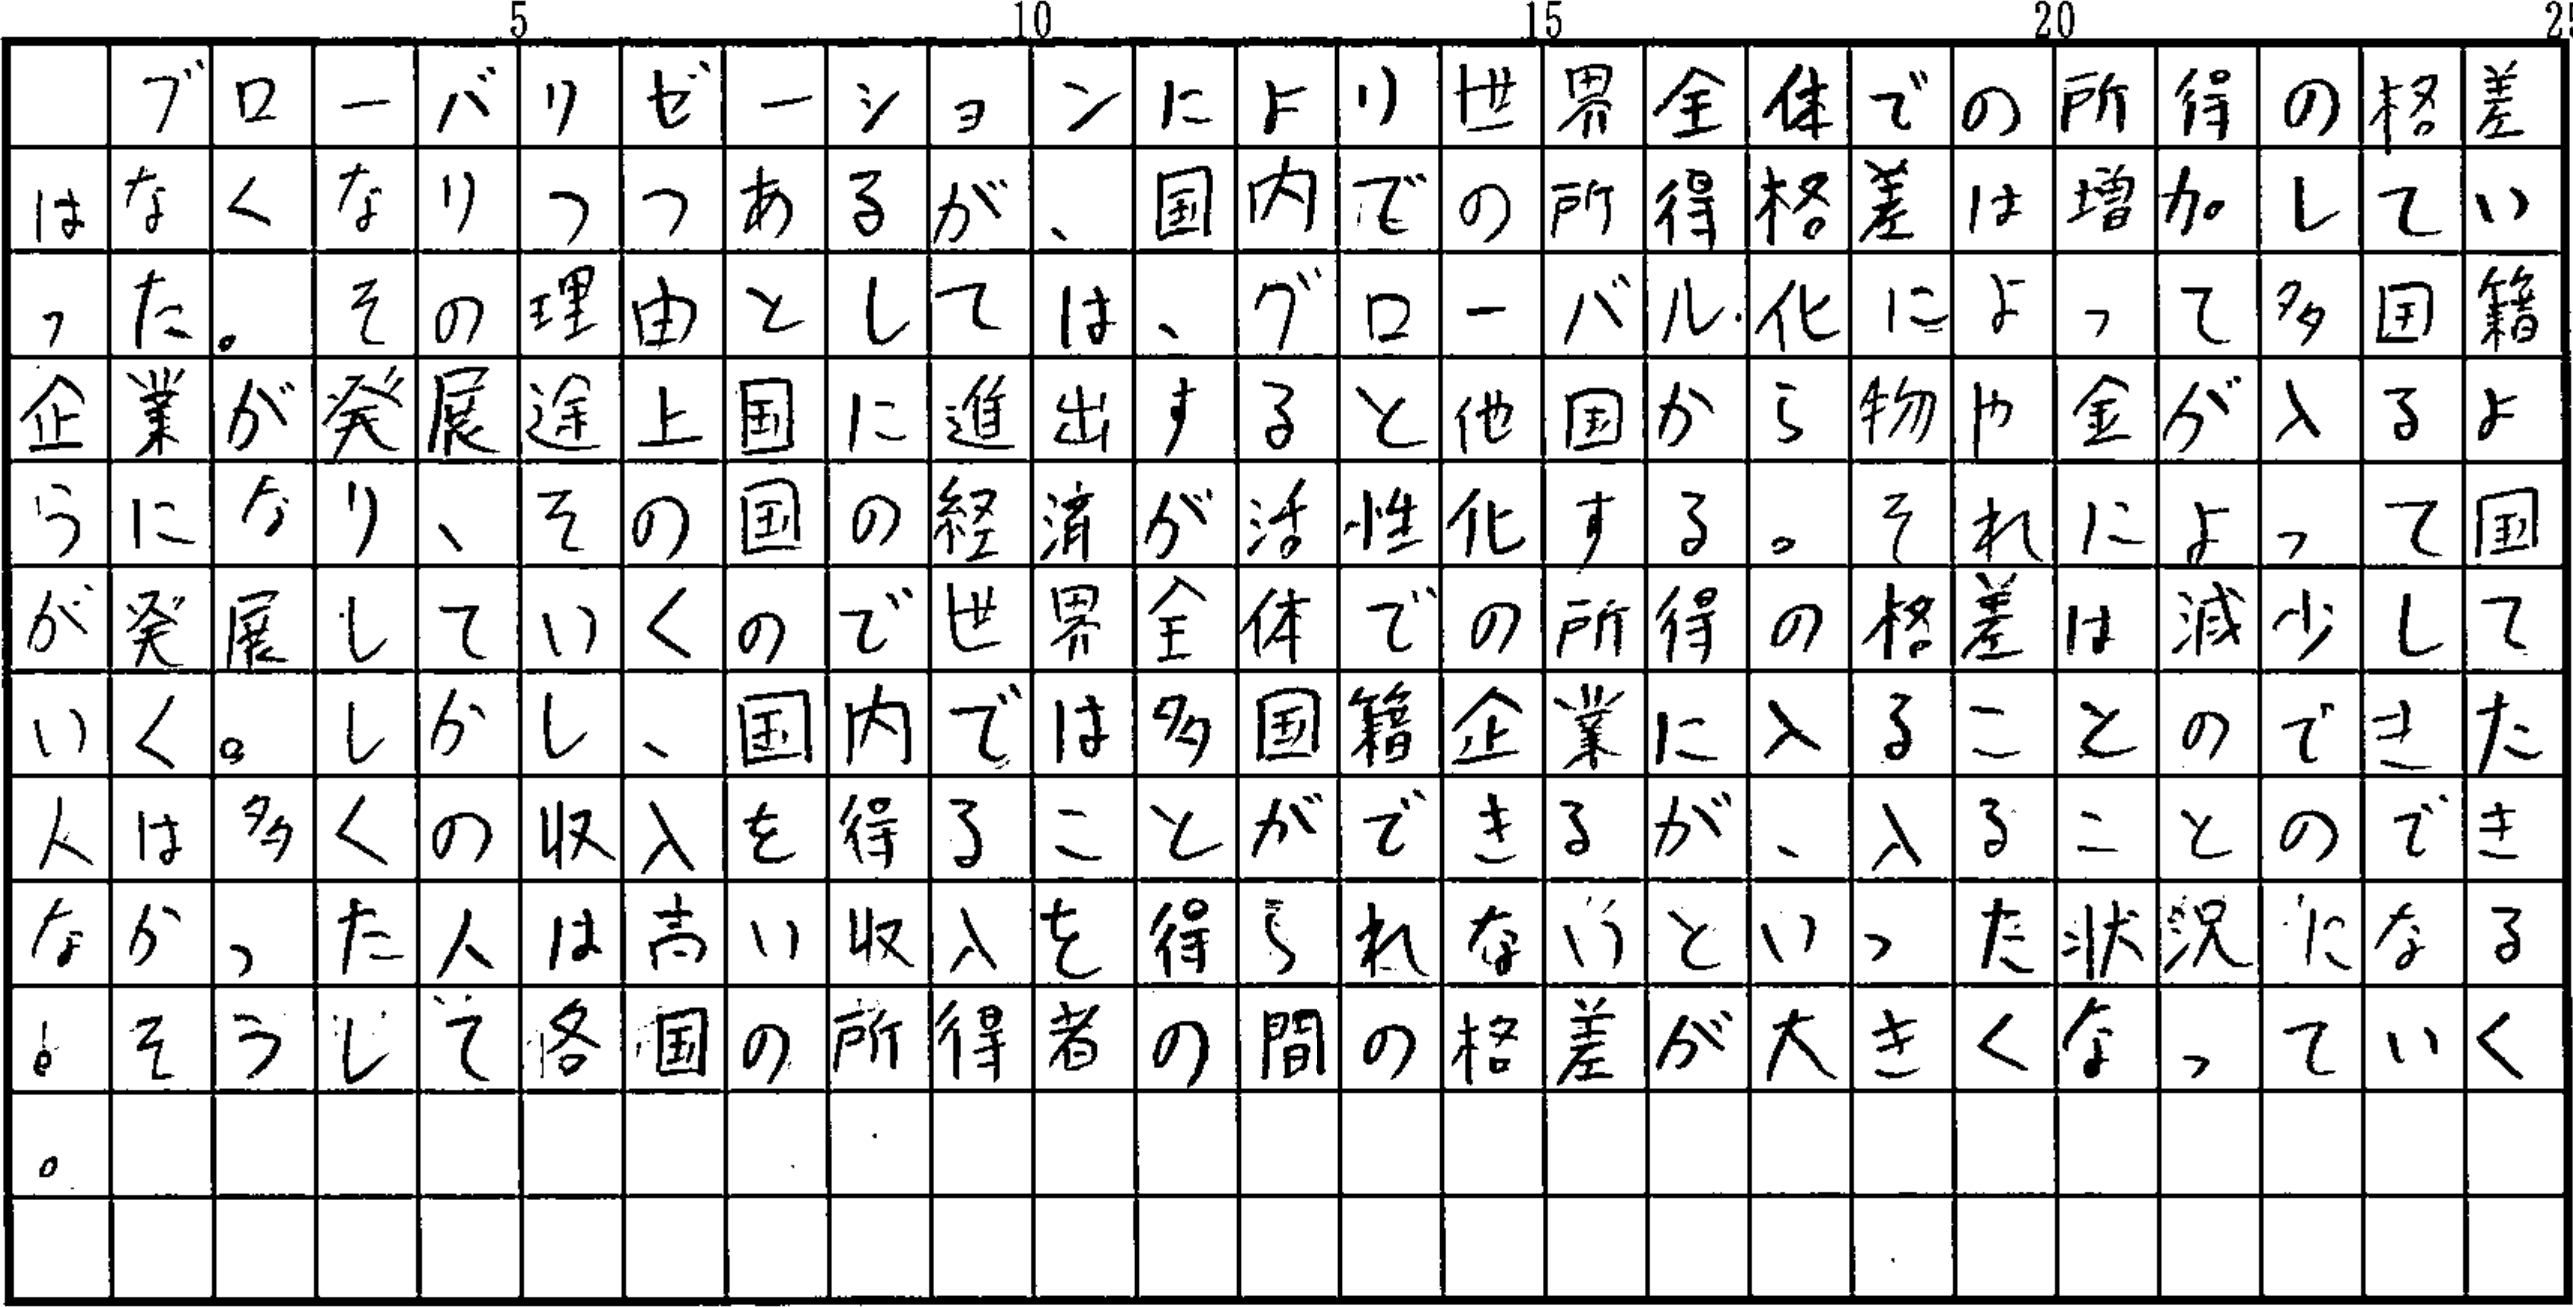　グローバリゼーションにより世界全体での所得の格差はなくなりつつあるが、国内での所得格差は増加していった。その理由としては、グローバル化によって多国籍企業が発展途上国に進出すると他国から物や金が入るようになり、その国の経済が活性化する。それによって国が発展していくので世界全体での所得の格差は減少していく。しかし、国内では多国籍企業に入ることのできた人は多くの収入を得ることができるが、入ることのできなかった人は高い収入を得られないといった状況になる。そうして各国の所得者の間の格差が大きくなっていく。
